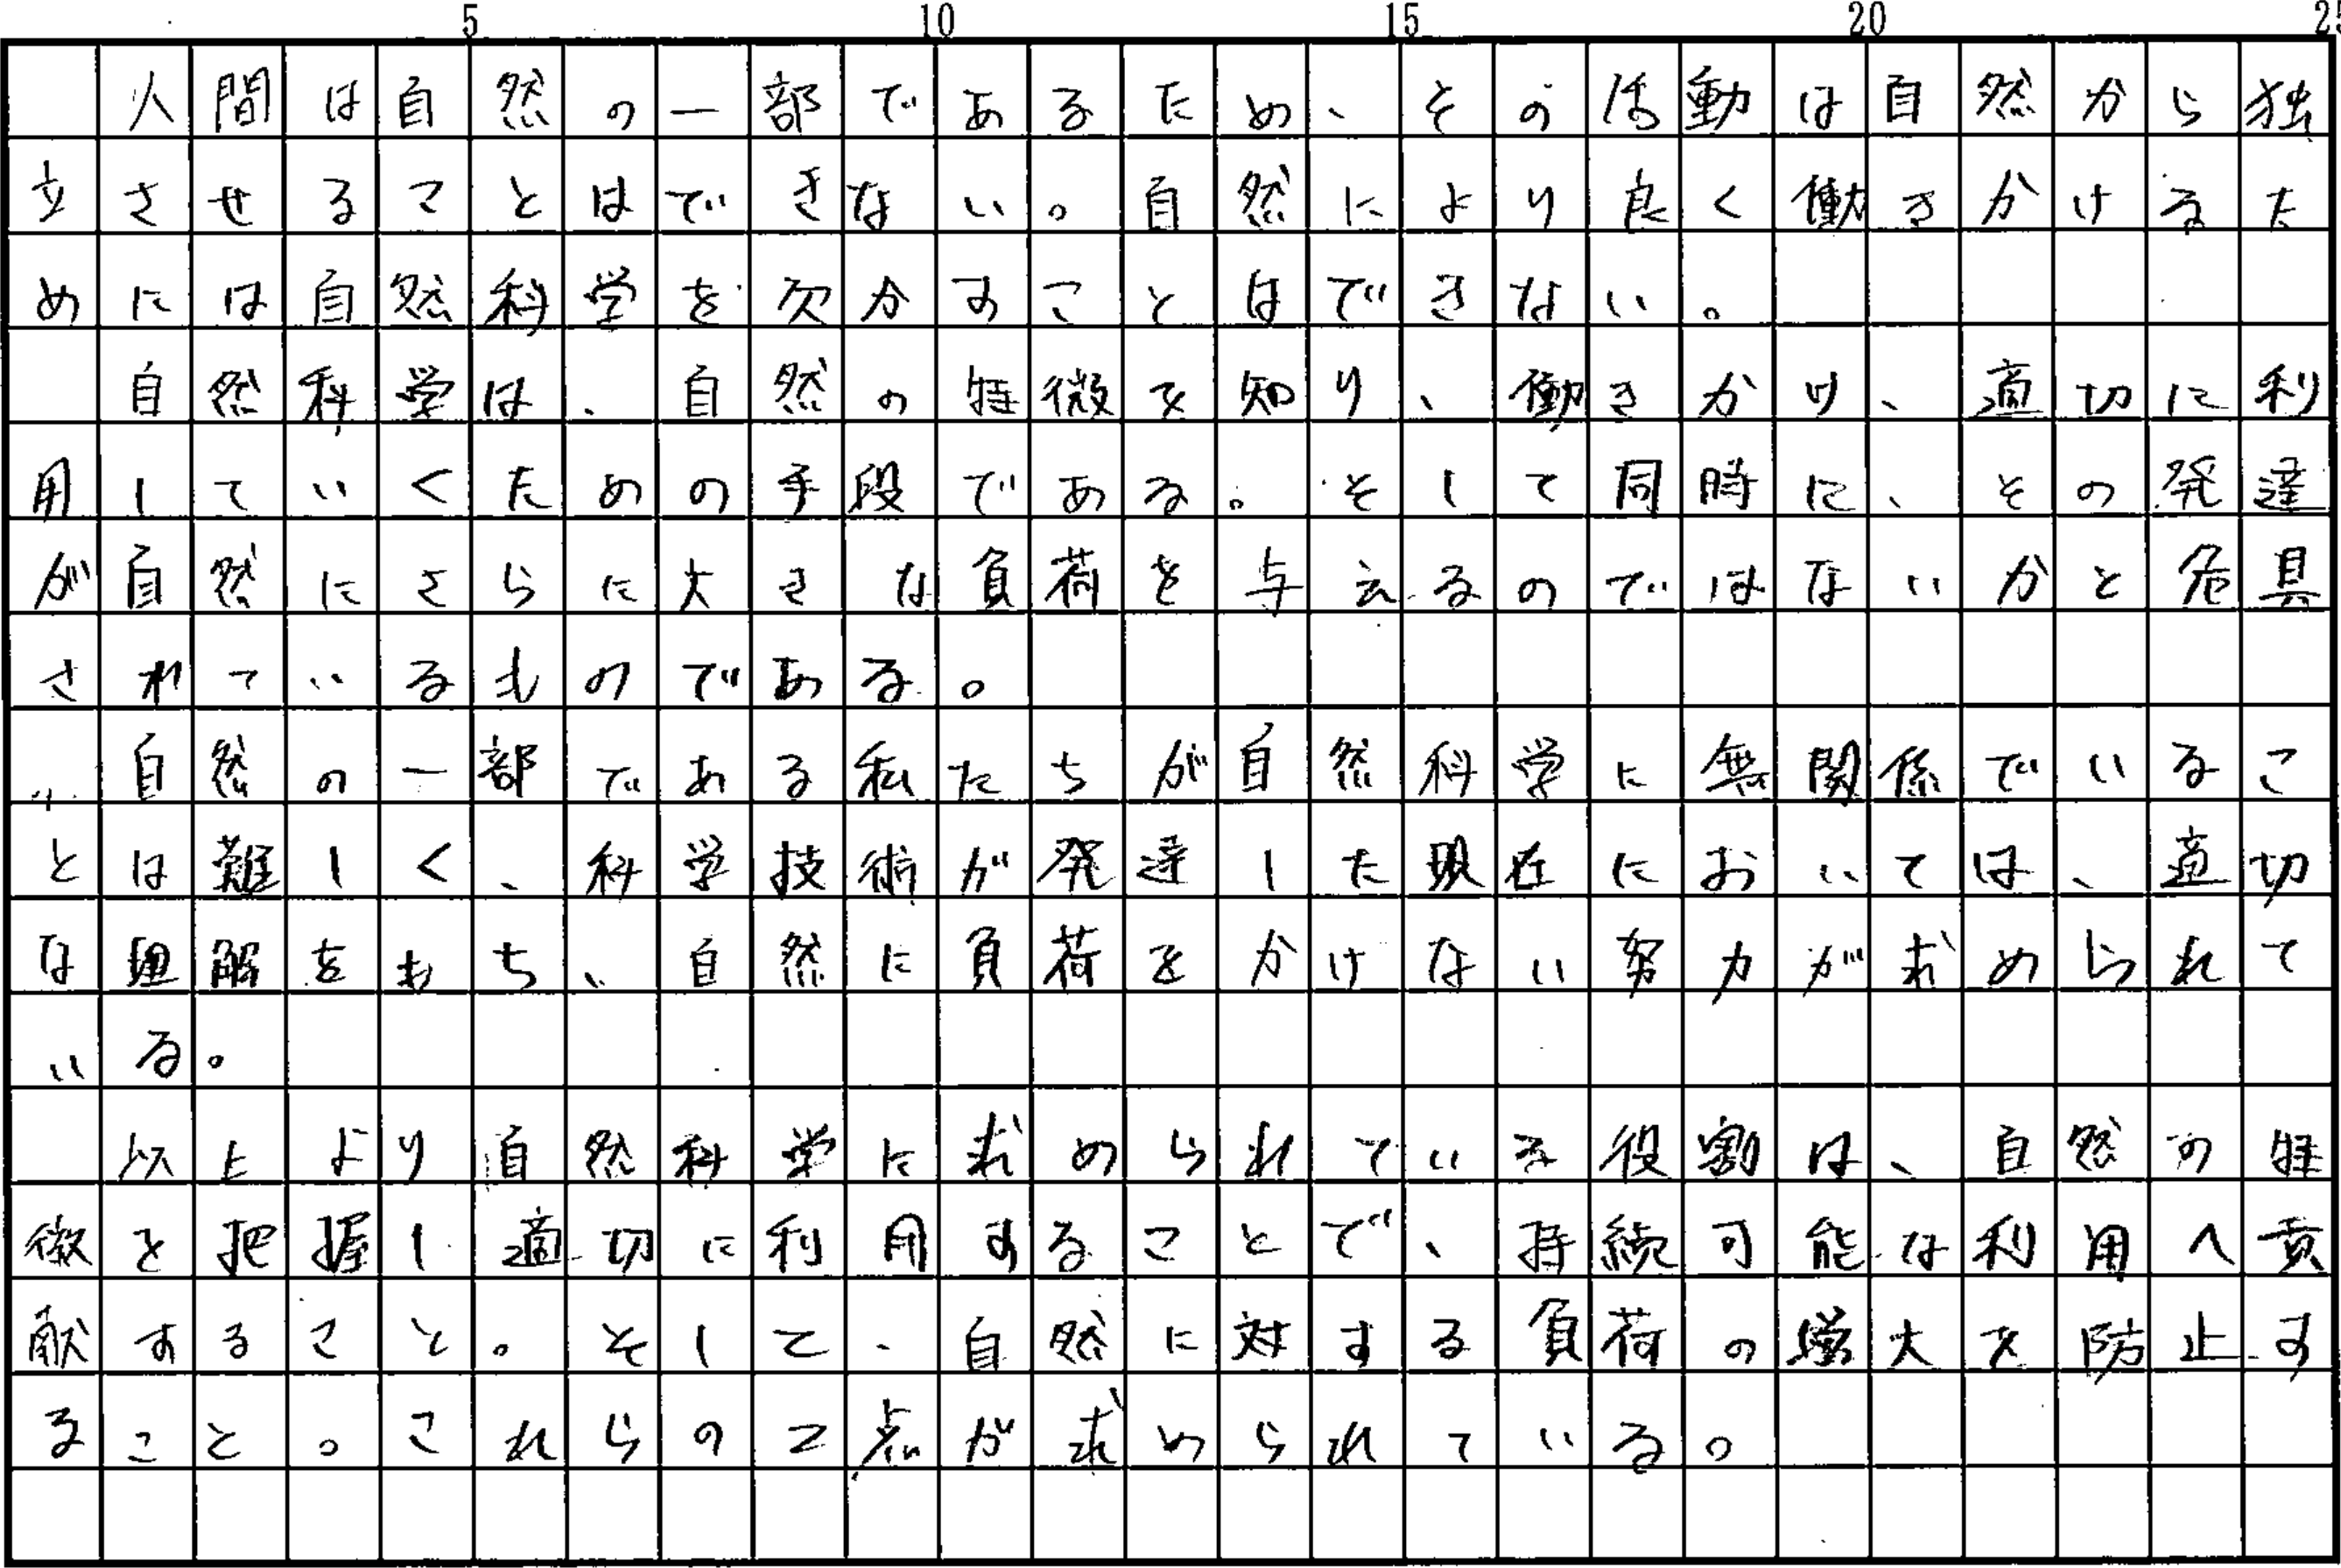　人間は自然の一部であるため、その活動は自然から独立させることはできない。自然により良く働きかけるためには自然科学を欠かすことはできない。
　自然科学は、自然の特微を知り、働きかけ、適切に利用していくための手段である。そして同時に、その発達が自然にさらに大きな負荷を与えるのではないかと危具されているものである。
　自然の一部である私たちが自然科学に無関係でいることは難しく、科学技術が発達した現在においては、適切な理解をもち、自然に負荷をかけない努力が求められている。
　以上より自然科学に求められている役割は、自然の特微を把握し適切に利用することで、持続可能な利用へ貢献すること。そして、自然に対する負荷の増大を防止すること。これらの２点が求められている。
